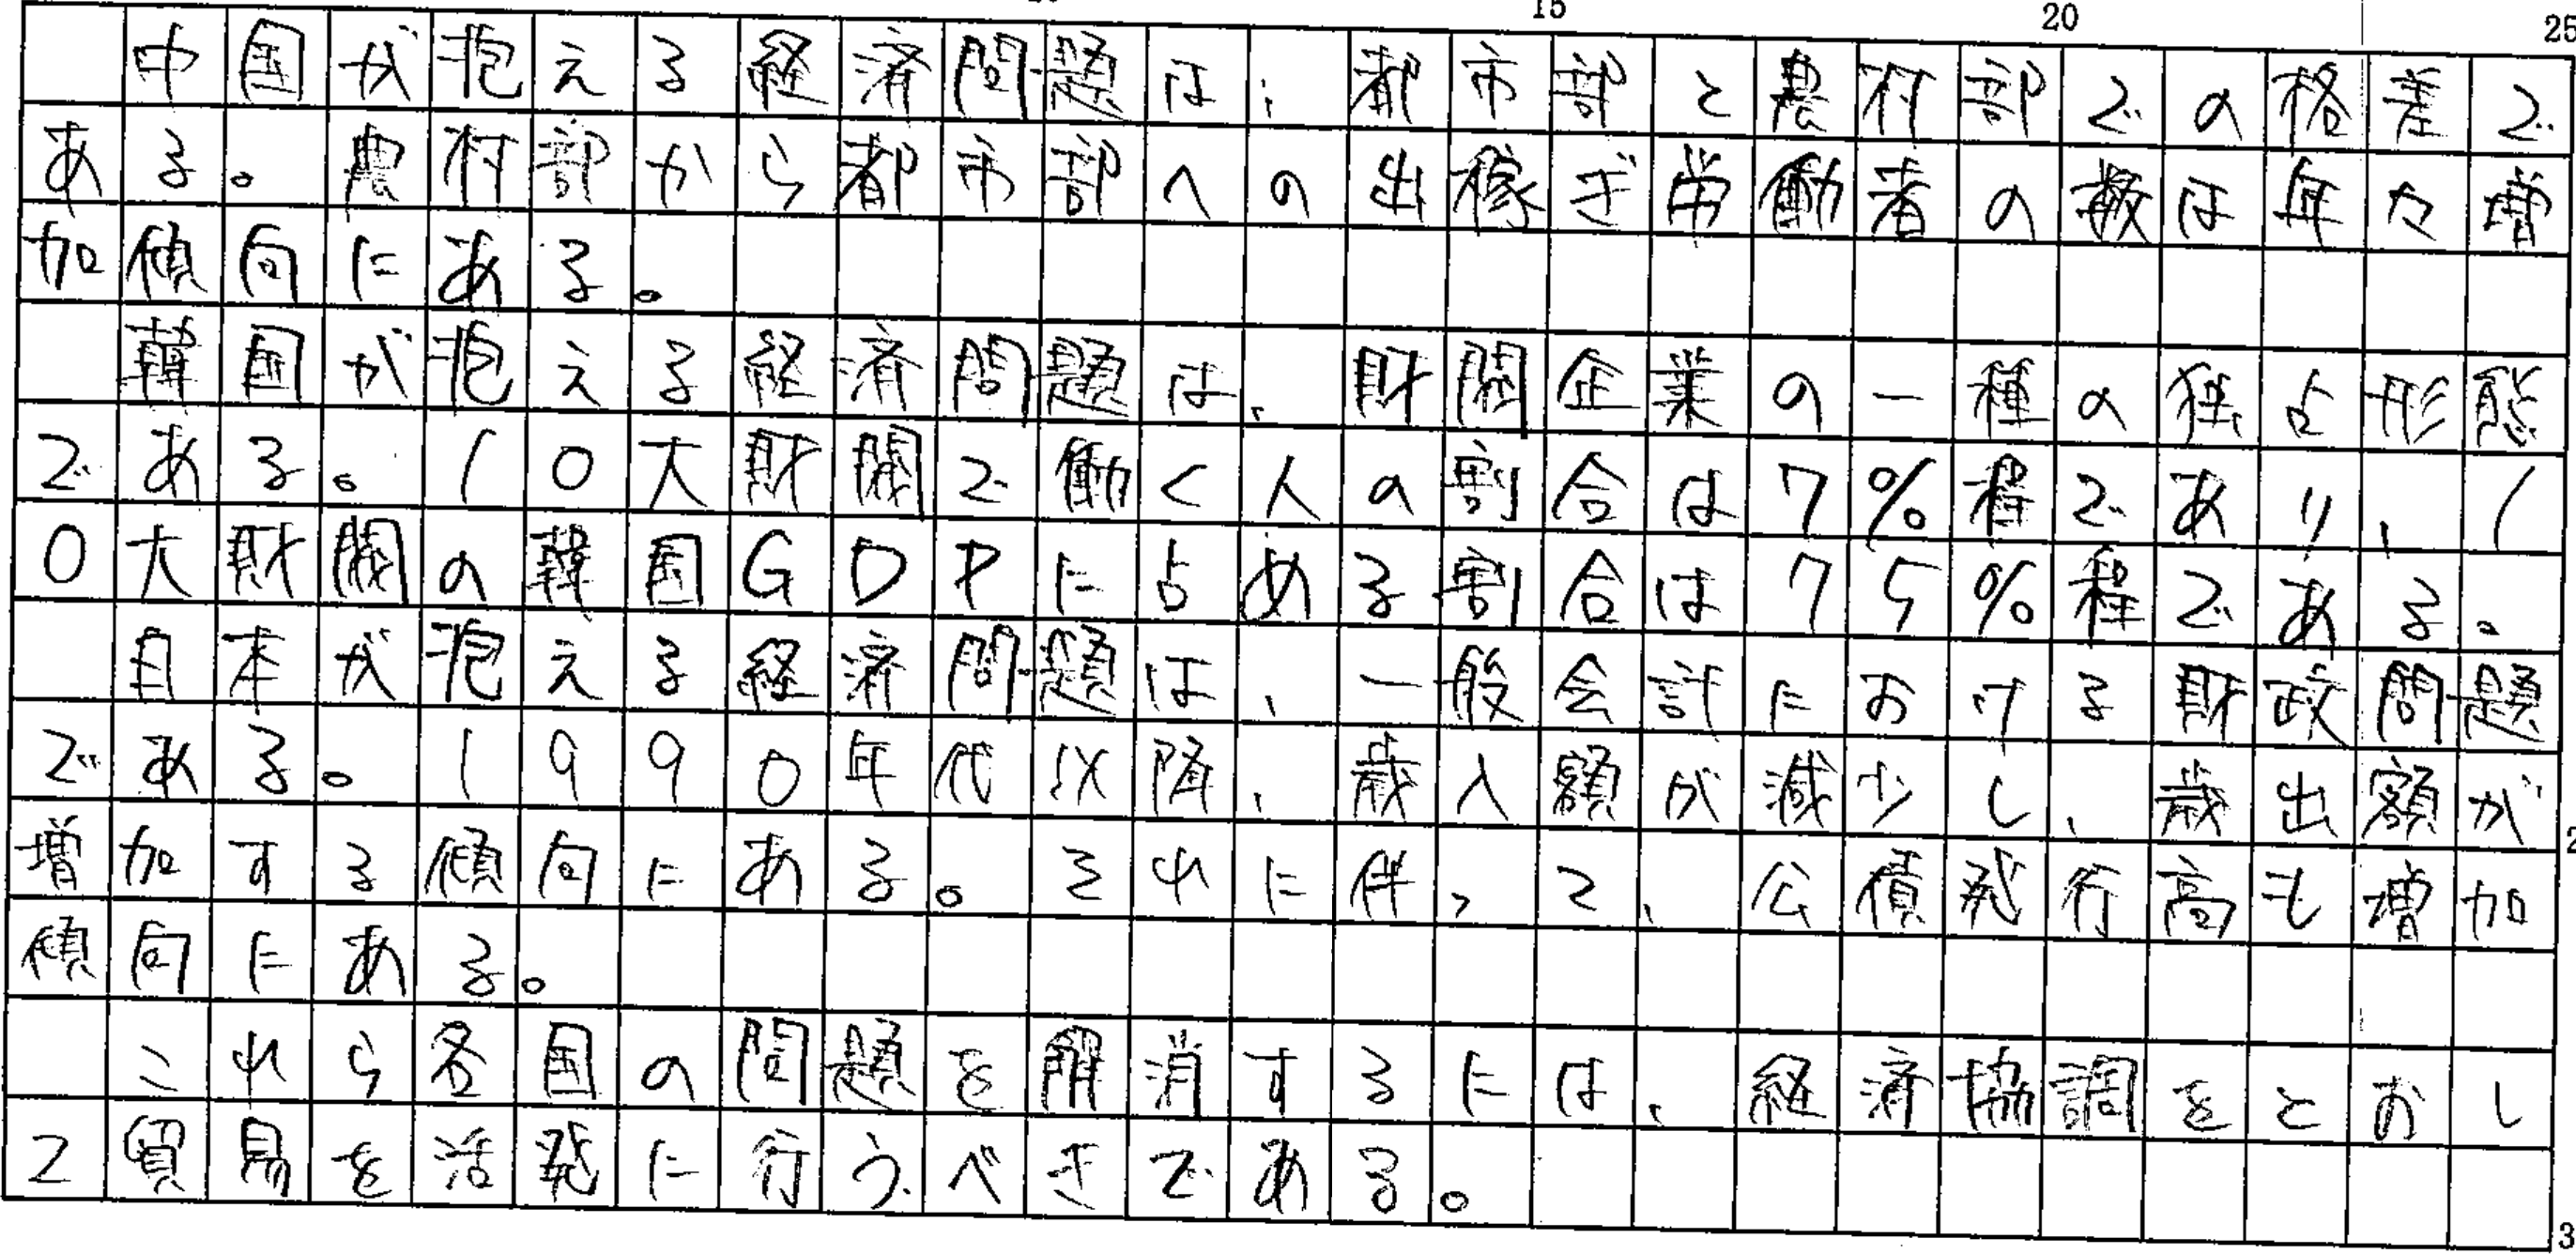　中国が抱える経済問題は、都市部と農村部での格差である。農村部から都市部への出稼ぎ労働者の数は年々増加傾向にある。
　韓国が抱える経済問題は、財閥企業の一種の独占形態である。１０大財閥で働く人の割合は７％程であり、１０大財閥の韓国ＧＤＰに占める割合は７５％程である。
　日本が抱える経済問題は、一般会計における財政問題である。１９９０年代以降、歳入額が減少し、歳出額が増加する傾向にある。それに伴って、公債発行高も増加傾向にある。
　これら各国の問題を解消するには、経済協調をとおして貿易を活発に行うべきである。
